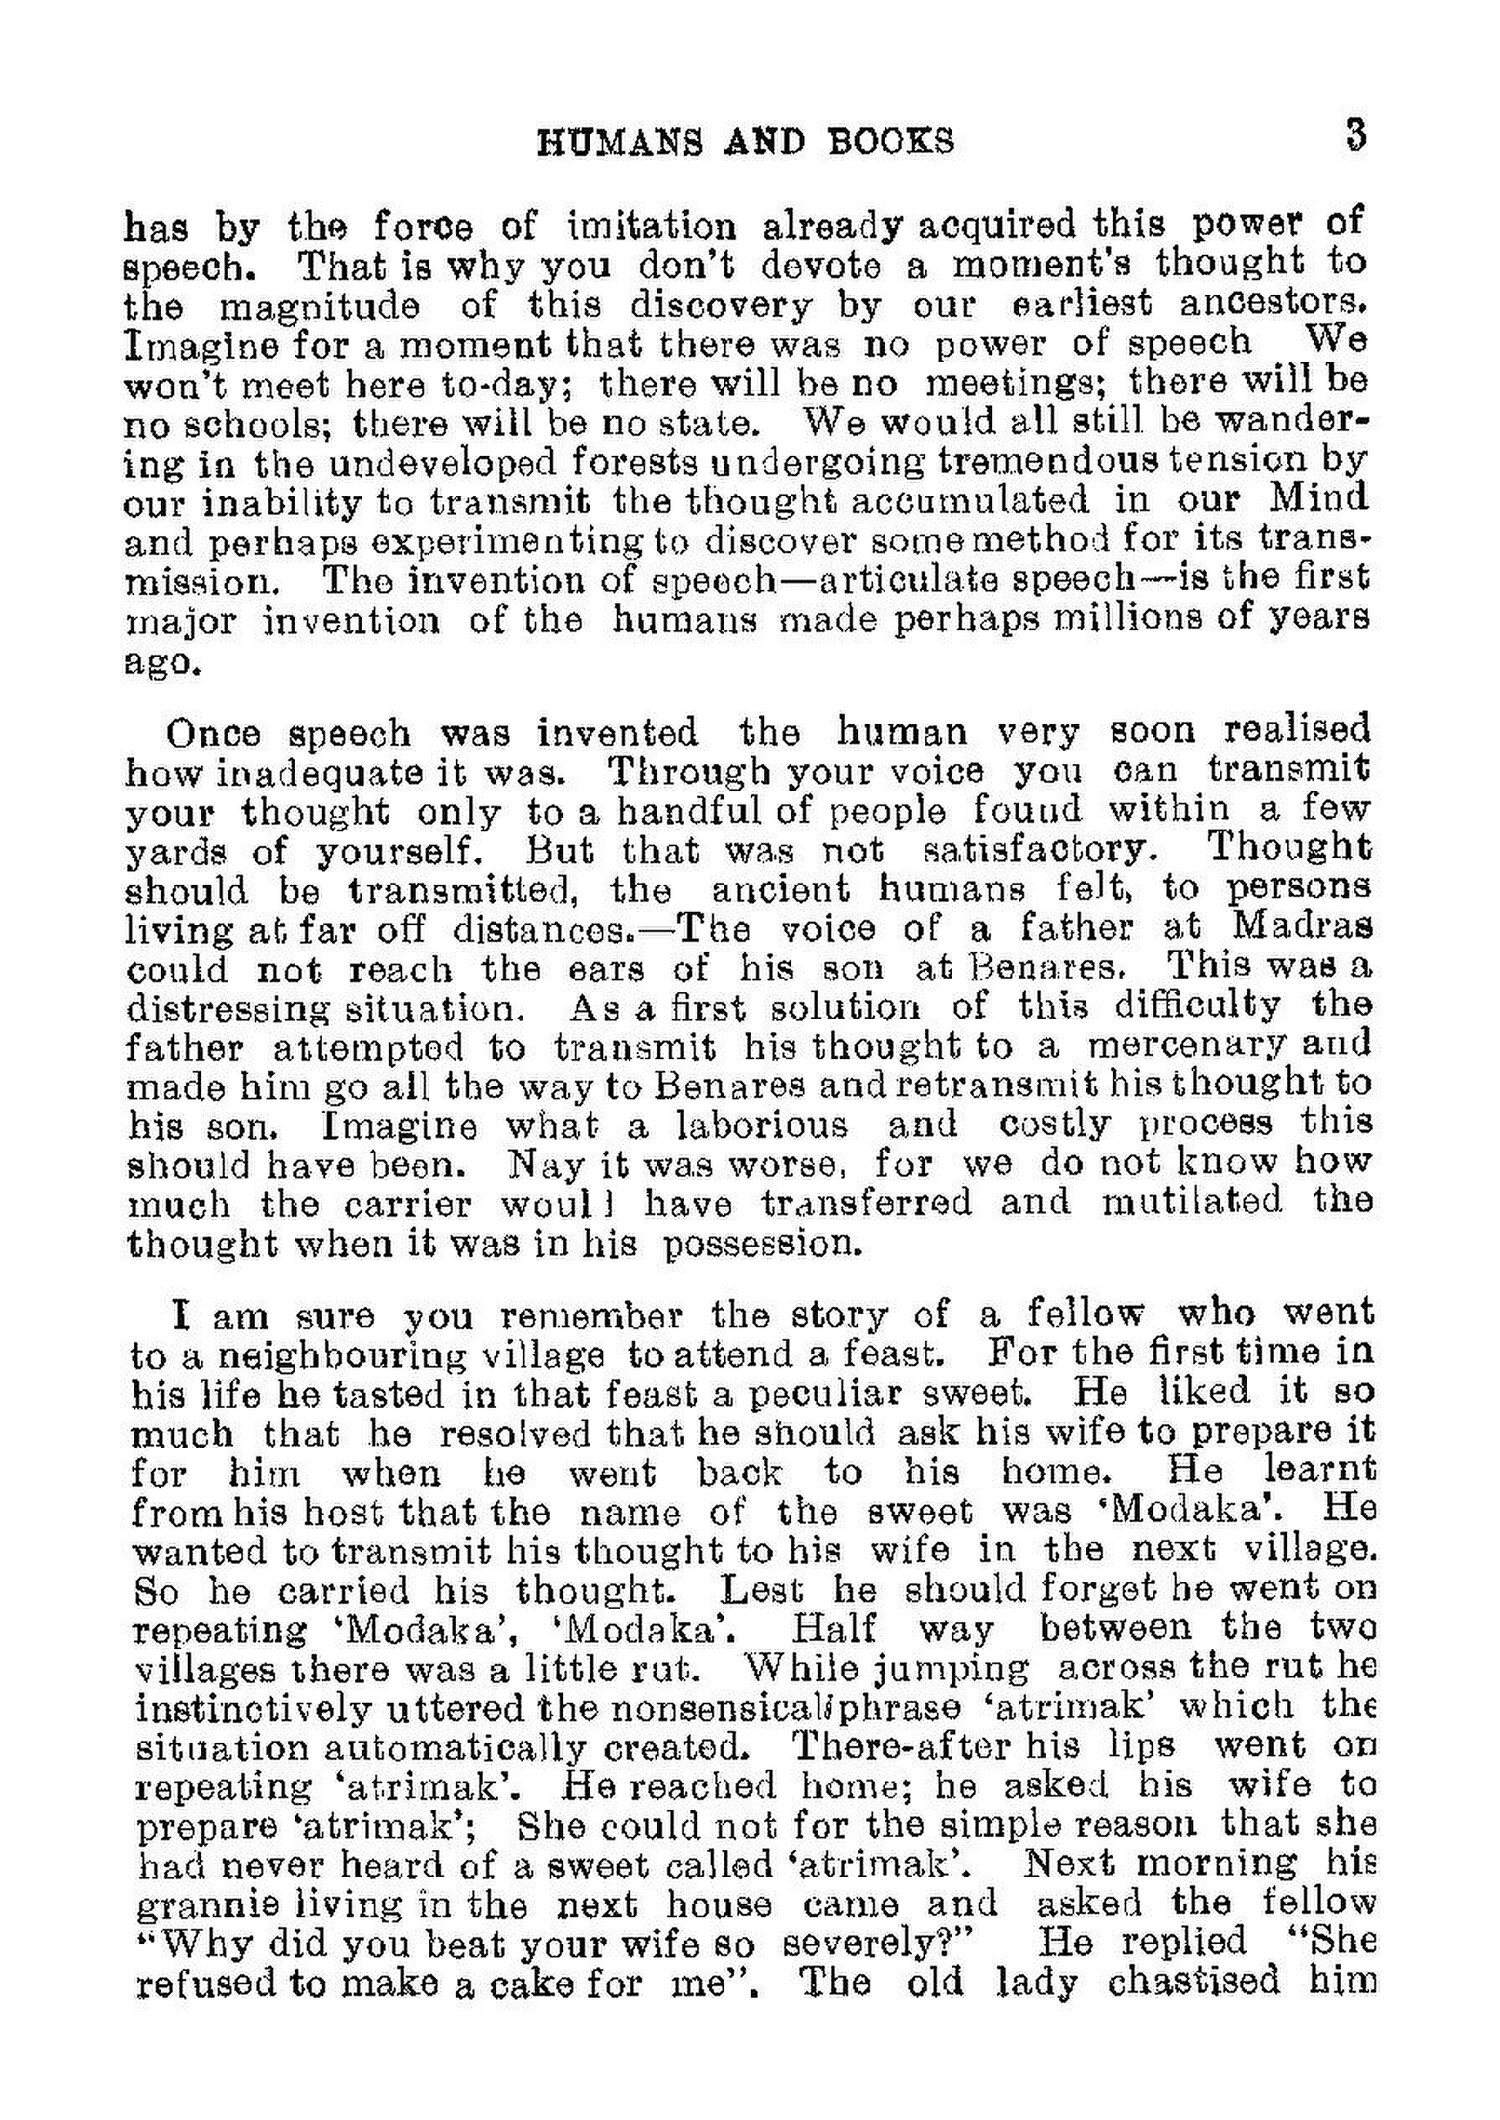has by the force of imitation already acquired this power of speech. That is why you don't devote a moment's thought to the magnitude of this discovery by our earliest ancestors. Imagine for a moment that there was no 
power of speech We won't meet here to-day; there will be no meetings; there will be no schools; there will 
be no state. We would all still be wandering in the undeveloped forests undergoing tremendous tension by
our inability to transmit the thought accumulated in our Mind and perhaps experimenting to discover some 
method for its transmission. The invention of speech-articulate speech-is the first major invention of the 
humans made perhaps millions of years ago.

Once speech was invented the human very soon realised how inadequate it was. Through your voice you can 
transmit your thought only to a handful of people found within a few yards of yourself. But that was not satisfactory. Thought should be transmitted, the ancient humans felt, to persons living at far off 
distances - The voice of a father at Madras could not reach the ears of his son at Benares. This was a
distressing situation. As a first solution of this difficulty the father attempted to transmit his thought
to a mercenary and made him go all the way to Benares and retransmit his thought to his son. Imagine what 
a laborious and costly process this should have been. Nay it was worse, for we do not know how much the 
carrier would have transferred and mutilated the thought when it was in his possession.

I am sure you remember the story of a fellow who went to a neighbouring village to attend a feast. For 
the first time in his life he tasted in that feast a peculiar sweet. He liked it so much that he resolved 
that he should ask his wife to prepare it for him when he went back to his home. He learnt from his host 
that the name of the sweet was 'Modaka'. He wanted to transmit his thought to his wife in the next village.
So he carried his thought. Lest he should forget he went on repeating 'Modaka', 'Modaka'. Half way
between the two villages there was a little rut. While jumping across the rut he instinctively uttered the nonsensical phrase 'atrimak' which the situation automatically created. There-after his lips went on
repeating 'atrimak'. He reached home; he asked his wife to prepare 'atrimak'; She could not for the simple 
reason that she had never heard of a sweet called 'atrimak'. Next morning his grannie living in the next 
house came and asked the fellow "Why did you beat your wife so severely?" He replied "She refused to make 
a cake for me". The old lady chastised him